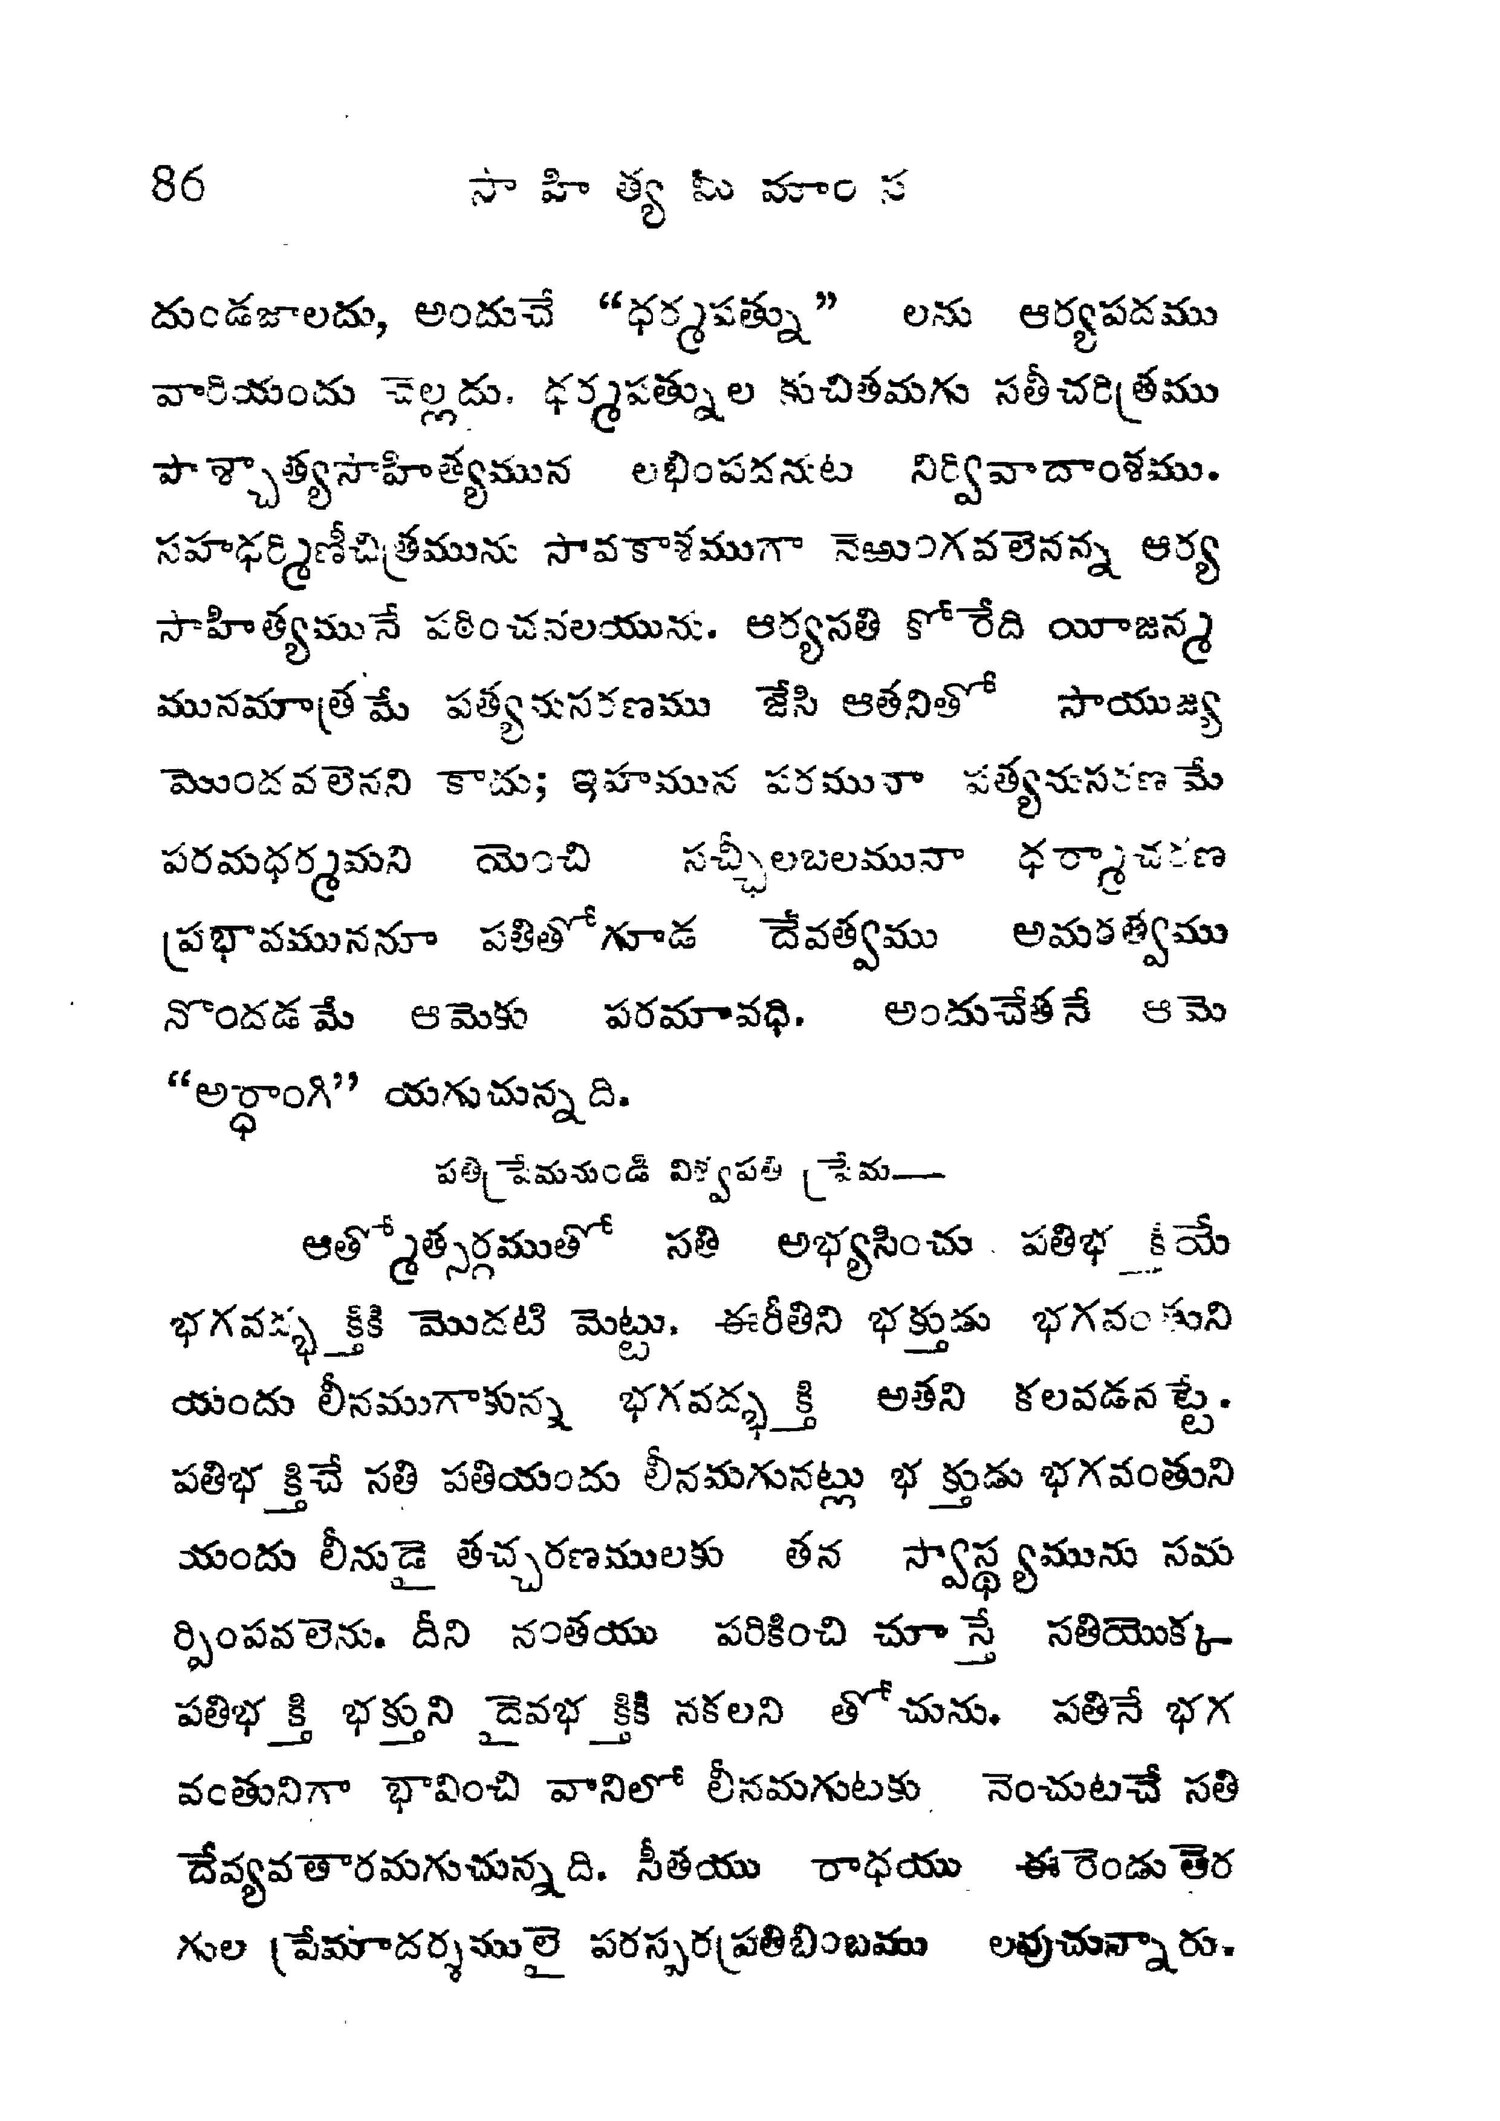దుండజాలదు, అందుచే "ధర్మపత్ను" లను ఆర్యపదము వారియందు చెల్లదు. ధర్మపత్నుల కుచితమగు సతీచరిత్రము పాశ్చాత్యసాహిత్యమున లభింపదనుట నిర్వివాదాంశము. సహధర్మిణీచిత్రమును సావకాశముగా నెఱుంగవలెనన్న ఆర్యసాహిత్యమునే పఠించవలయును. ఆర్యసతి కోరేది యీజన్మమునమాత్రమే పత్యనుసరణము జేసి అతనితో సాయుజ్య మొందవలెనని కాదు; ఇహమున పరమునా పత్యనుసరణమే పరమధర్మమని యెంచి సచ్ఛీలబలమునా ధర్మాచరణ ప్రభావముననూ పతితోగూడ దేవత్వము అమరత్వము నొందడమే ఆమెకు పరమావధి. అందుచేతనే ఆమె "అర్ధాంగి" యగుచున్నది.

ఆత్మోత్సర్గముతో సతి అభ్యసించు పతిభక్తియే భగవద్భక్తికి మొదటి మెట్టు. ఈరీతిని భక్తుడు భగవంతుని యందు లీనముగాకున్న భగవద్భక్తి అతని కలవడనట్టే. పతిభక్తిచే సతి పతియందు లీనమగునట్లు భక్తుడు భగవంతుని యందు లీనుడై తచ్చరణములకు తన స్వాస్థ్యమును సమర్పింపవలెను. దీని నంతయు పరికించి చూస్తే సతియొక్క పతిభక్తి భక్తుని దైవభక్తికి నకలని తోచును. పతినే భగవంతునిగా భావించి వానిలో లీనమగుటకు నెంచుటచే సతి దేవ్యవతారమగుచున్నది. సీతయు రాధయు ఈరెండుతెరగుల ప్రేమాదర్శములై పరస్పరప్రతిబింబము లవుచున్నారు.